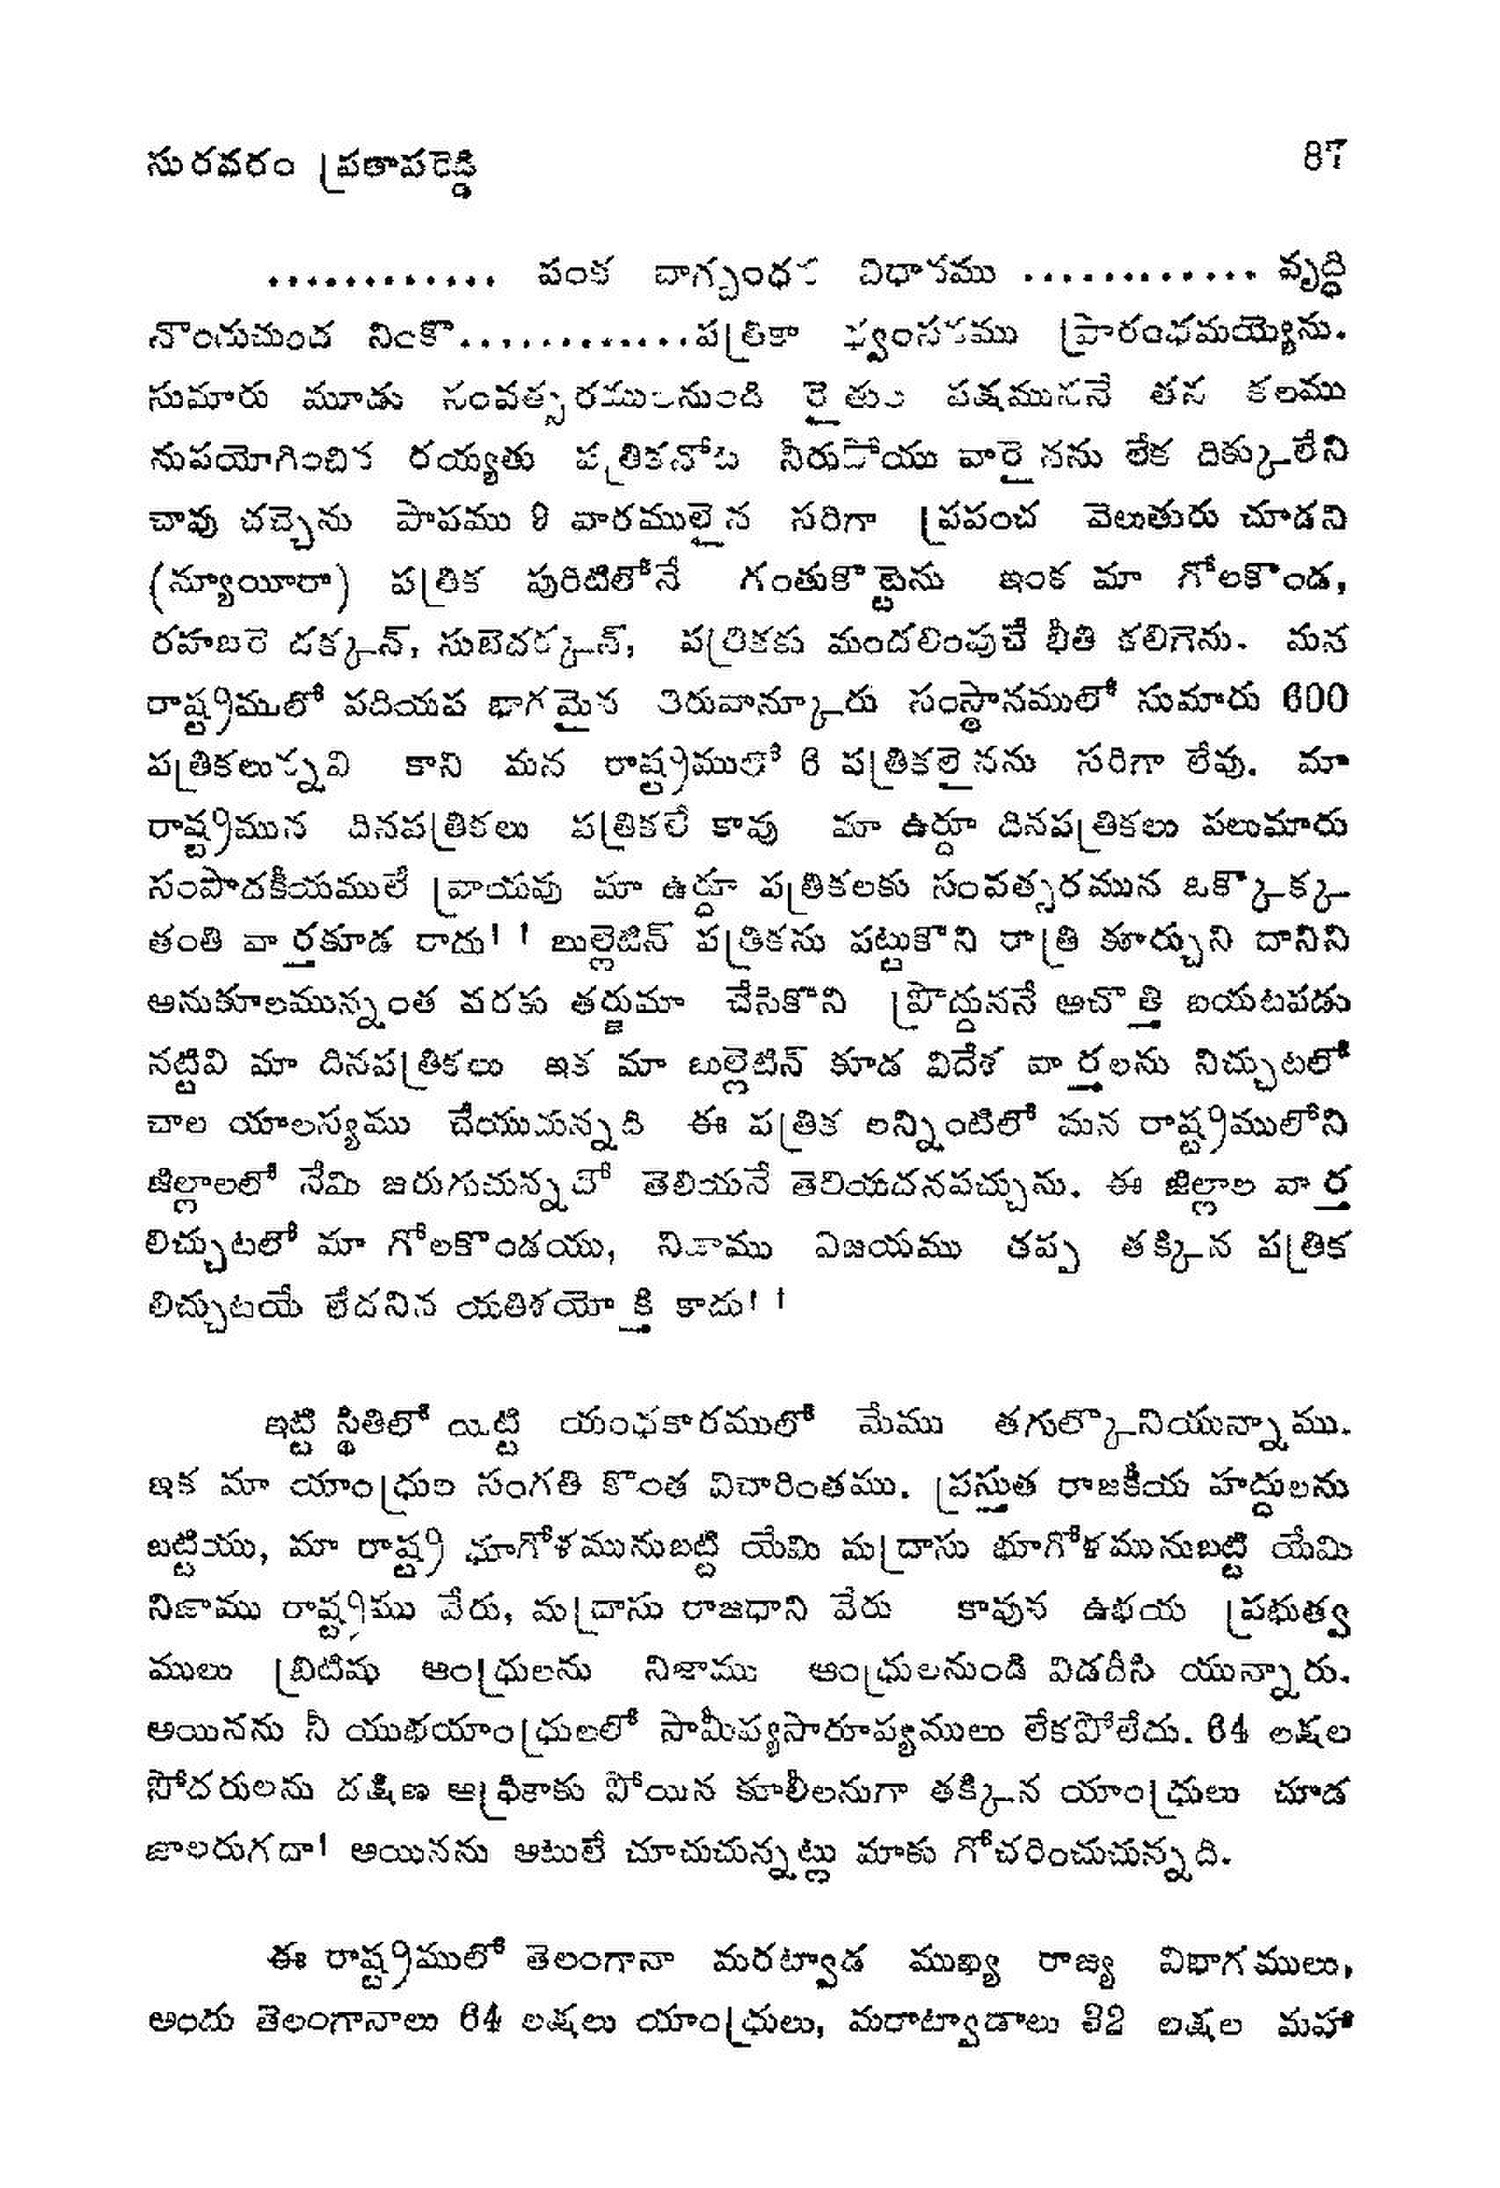............. వంక వాగ్బంధన విధానము ...............వృద్ధి నొందుచుండ నింకొ............పత్రికా ధ్వంసకము ప్రారంభమయ్యెను.
సుమారు మూడు సంవత్సరములనుండి రైతుల పక్షముననే తన కలము నుపయోగించిన రయ్యతు పత్రికనోట నీరుపోయు వారైనను లేక దిక్కులేని చావు చచ్చెను పాపము 9 వారములైన సరిగా ప్రపంచ వెలుతురు చూడని
(న్యూయీరా) పత్రిక పురిటిలోనే గంతుకొట్టెను ఇంక మా గోలకొండ, రహబరె దక్కన్, సుబెదక్కన్, పత్రికకు మందలింపుచే భీతి కలిగెను. మన రాష్ట్రములో పదియవ భాగమైన తిరువాన్కూరు సంస్థానములో సుమారు 600
పత్రికలున్నవి కాని మన రాష్ట్రములో 6 పత్రికలైనను సరిగా లేవు. మా రాష్ట్రమున దినపత్రికలు పత్రికలే కావు మా ఉర్దూ దినపత్రికలు పలుమారు సంపాదకీయములే వ్రాయవు మా ఉర్దూ పత్రికలకు సంవత్సరమున ఒక్కొక్క తంతి వార్తకూడ రాదు। బుల్లెటిన్ పత్రికను పట్టుకొని రాత్రి కూర్చుని దానిని అనుకూలమున్నంత వరకు తర్జుమా చేసికొని ప్రొద్దుననే అచొత్తి బయటపడునట్టివి మా దినపత్రికలు ఇక మా బుల్లెటిన్ కూడ విదేశ వార్తలను నిచ్చుటలో చాల యాలస్యము చేయుచున్నది ఈ పత్రిక లన్నింటిలో మన రాష్ట్రములోని జిల్లాలలో నేమి జరుగుచున్నదో తెలియనే తెలియదనవచ్చును. ఈ జిల్లాల వార్త లిచ్చుటలో మా గోలకొండయు, నిజాము విజయము తప్ప తక్కిన పత్రిక
లిచ్చుటయే లేదనిన యతిశయోక్తి కాదు!!

ఇట్టి స్థితిలో యిట్టి యంధకారములో మేము తగుల్కొనియున్నాము. ఇక మా యాంధ్రుల సంగతి కొంత విచారింతము. ప్రస్తుత రాజకీయ హద్దులను బట్టియు, మా రాష్ట్ర భూగోళమునుబట్టి యేమి మద్రాసు భూగోళమునుబట్టి యేమి
నిజాము రాష్ట్రము వేరు, మద్రాసు రాజధాని వేరు కావున ఉభయ ప్రభుత్వములు బ్రిటిషు ఆంధ్రులను నిజాము ఆంధ్రులనుండి విడదీసి యున్నారు. అయినను నీ యుభయాంధ్రులలో సామీప్యసారూప్యములు లేకపోలేదు. 64 లక్షల సోదరులను దక్షిణ ఆఫ్రికాకు పోయిన కూలీలనుగా తక్కిన యాంధ్రులు చూడజాలరుగదా! అయినను అటులే చూచుచున్నట్లు మాకు గోచరించుచున్నది.

ఈ రాష్ట్రములో తెలంగానా మరట్వాడ ముఖ్య రాజ్య విభాగములు, అందు తెలంగానాలు 64 లక్షలు యాంధ్రులు, మరాట్వాడాలు 32 లక్షల మహా